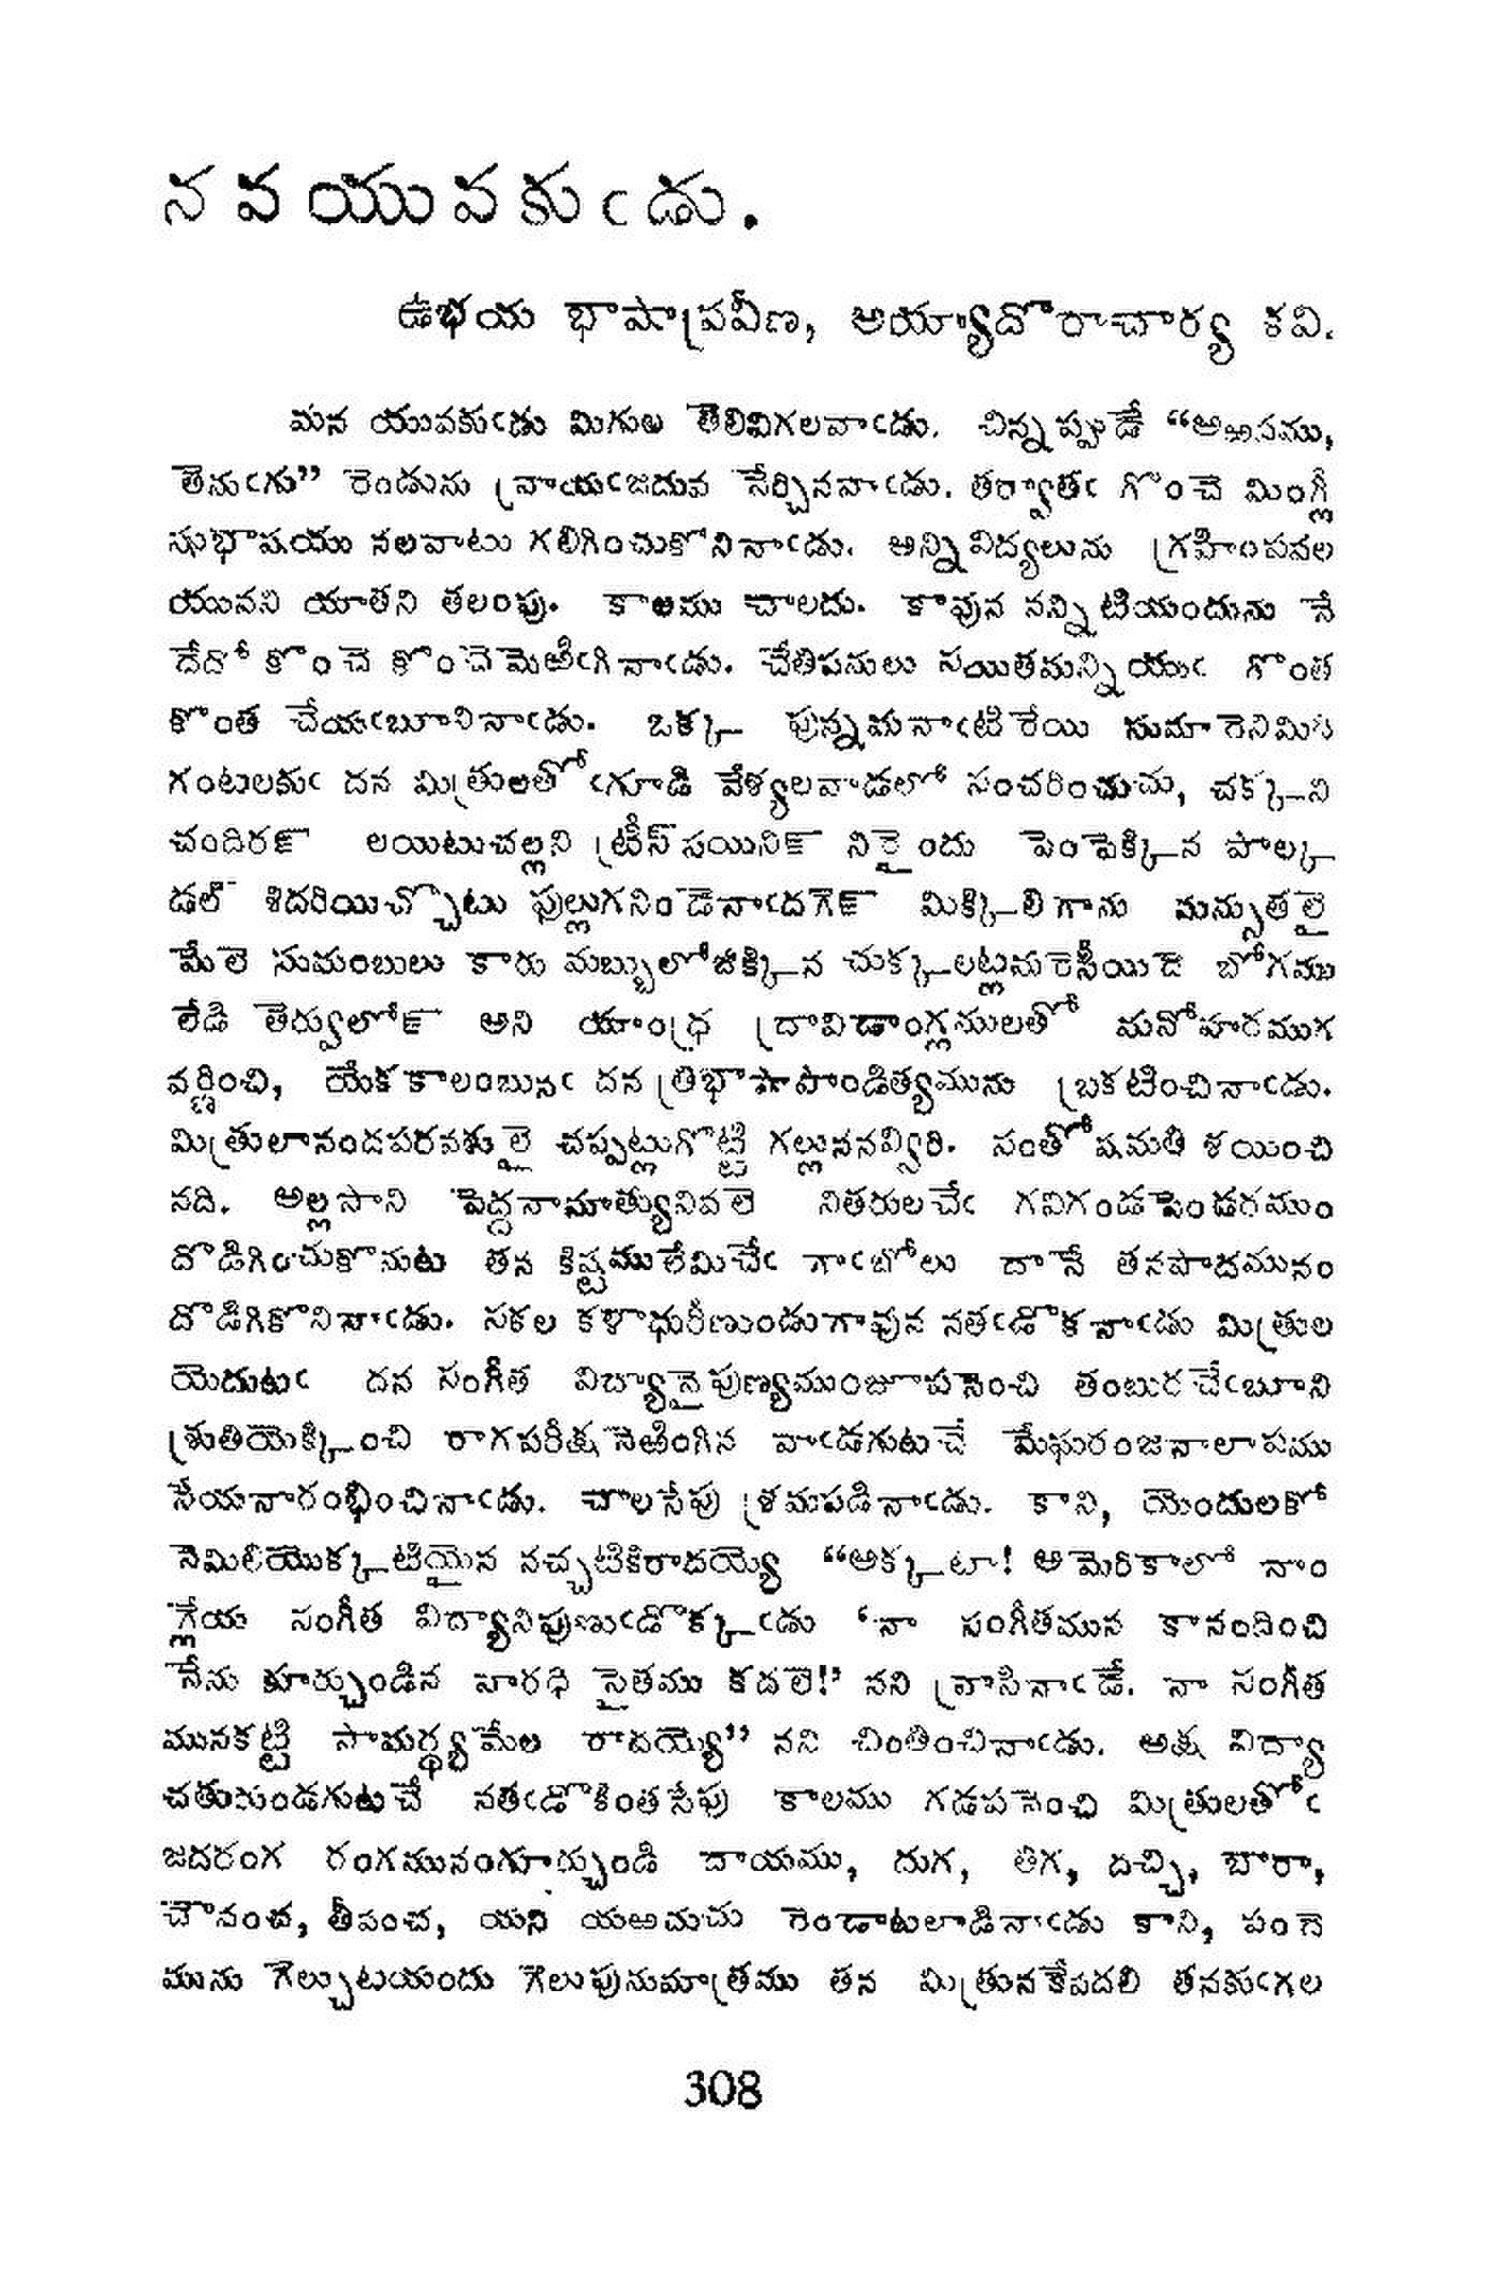న వ యు వ కు డు.
 ఉభయ భాషాప్రవీణ, అయ్యాదొరాచార్య కవి.

 మన యువకుడు మిగులు తెలివిగలవాడు. చిన్నప్పుడే "అఱవము, తెనుగు" రెండును వ్రాయంజదువ నేర్చినవాడు. తర్వాత గొంచె మింగ్లీషుభాషయు నలవాటు గలిగించుకొనినాడు. అన్నివిద్యలును గ్రహింపవలయునని యాతని తలంపు. కాలము చాలదు. కావున నన్నిటియందును నేదేదో కొంచె కొంచెమెఱిగి నాడు. చేతిపనులు సయితమన్నియు గొంత కొంత చేయబూనినాడు. ఒక్క పున్నమినాటిరేయి సుమారెనిమిది గంటలకు దన మిత్రులతో గూడి వేశ్యలవాడ లో సంచరించును, చక్కని చందిరక లయిటుచల్లని ట్రీస్ సయిచిన్ నిరైందు పెంపెక్కిన పాల్కడల్ శిదరియిచ్చొటు పుల్లుగనిండెనాదగెకొ మిక్కిలిగాను మన్సుతలై మేలె సుమంబులు కారు మబ్బులొజిక్కిన చుక్కలట్లంరెసీయిదె బోగము లేడి తెర్వులోన్ అని యాంధ్ర ద్రావిడాంగ్లములతో మనోహరముగ వర్ణించి యేకకాలంబున దన త్రిభాషాపాండిత్యమును బ్రకటించినాడు. మిత్రులానందపర వసులై చప్పట్లుగొట్టి గల్లుననవ్విరి. సంతోషమతిశయించినది. అల్లసాని పెద్దనామత్యునివలె నితరులచేత గవిగండపెండరముం దొడిగించుకొనినాదు సకల కళాధురీణుండుగావున నతదొకనాడు మిత్రులయెదుట దన సంగీత విద్యా నైపుణ్యముంజూపనెంచి తభురచేబూని శ్రుతియెక్కించి రాగపరీక్ష నెఱింగిన వాడగుటచే మేఘరంజనాలాపము సేయనారంభించినాడు. చాలసేపు శ్రమపడి నాడు. కాని, యెందులకో నెమిలియొక్కటియైన నచ్చటికిరాదయ్యె "అక్కటా! అమెరికాలో నాంగ్లేయ సంగీత విద్యానిపుణుడొక్కడు 'నా సంగీతమున కానందించి నేను కూర్చుండిన వారధి సైతము కదలె!" నని వ్రాసినాడే. నాసంగీతమునకట్టి సామర్ధ్యమేల రాదయ్యె" నని చింతించినాడు. అక్ష విద్యాచతురుండగుటచే నత డొకింతసేపు కాలము గడపనెంచి మిత్రులతో జదరంగ రంగమునంగూర్చుండి దాయము, దుగ, తిగ, దచి, బారా, చౌనంచ, తీసంచ, యని యఱుచుచు రెండాట లాడినాడు కాని, పందెమును గెల్చుటయందు గెలుపుమాత్రము తన మిత్రునకేవదలి తనకుగల